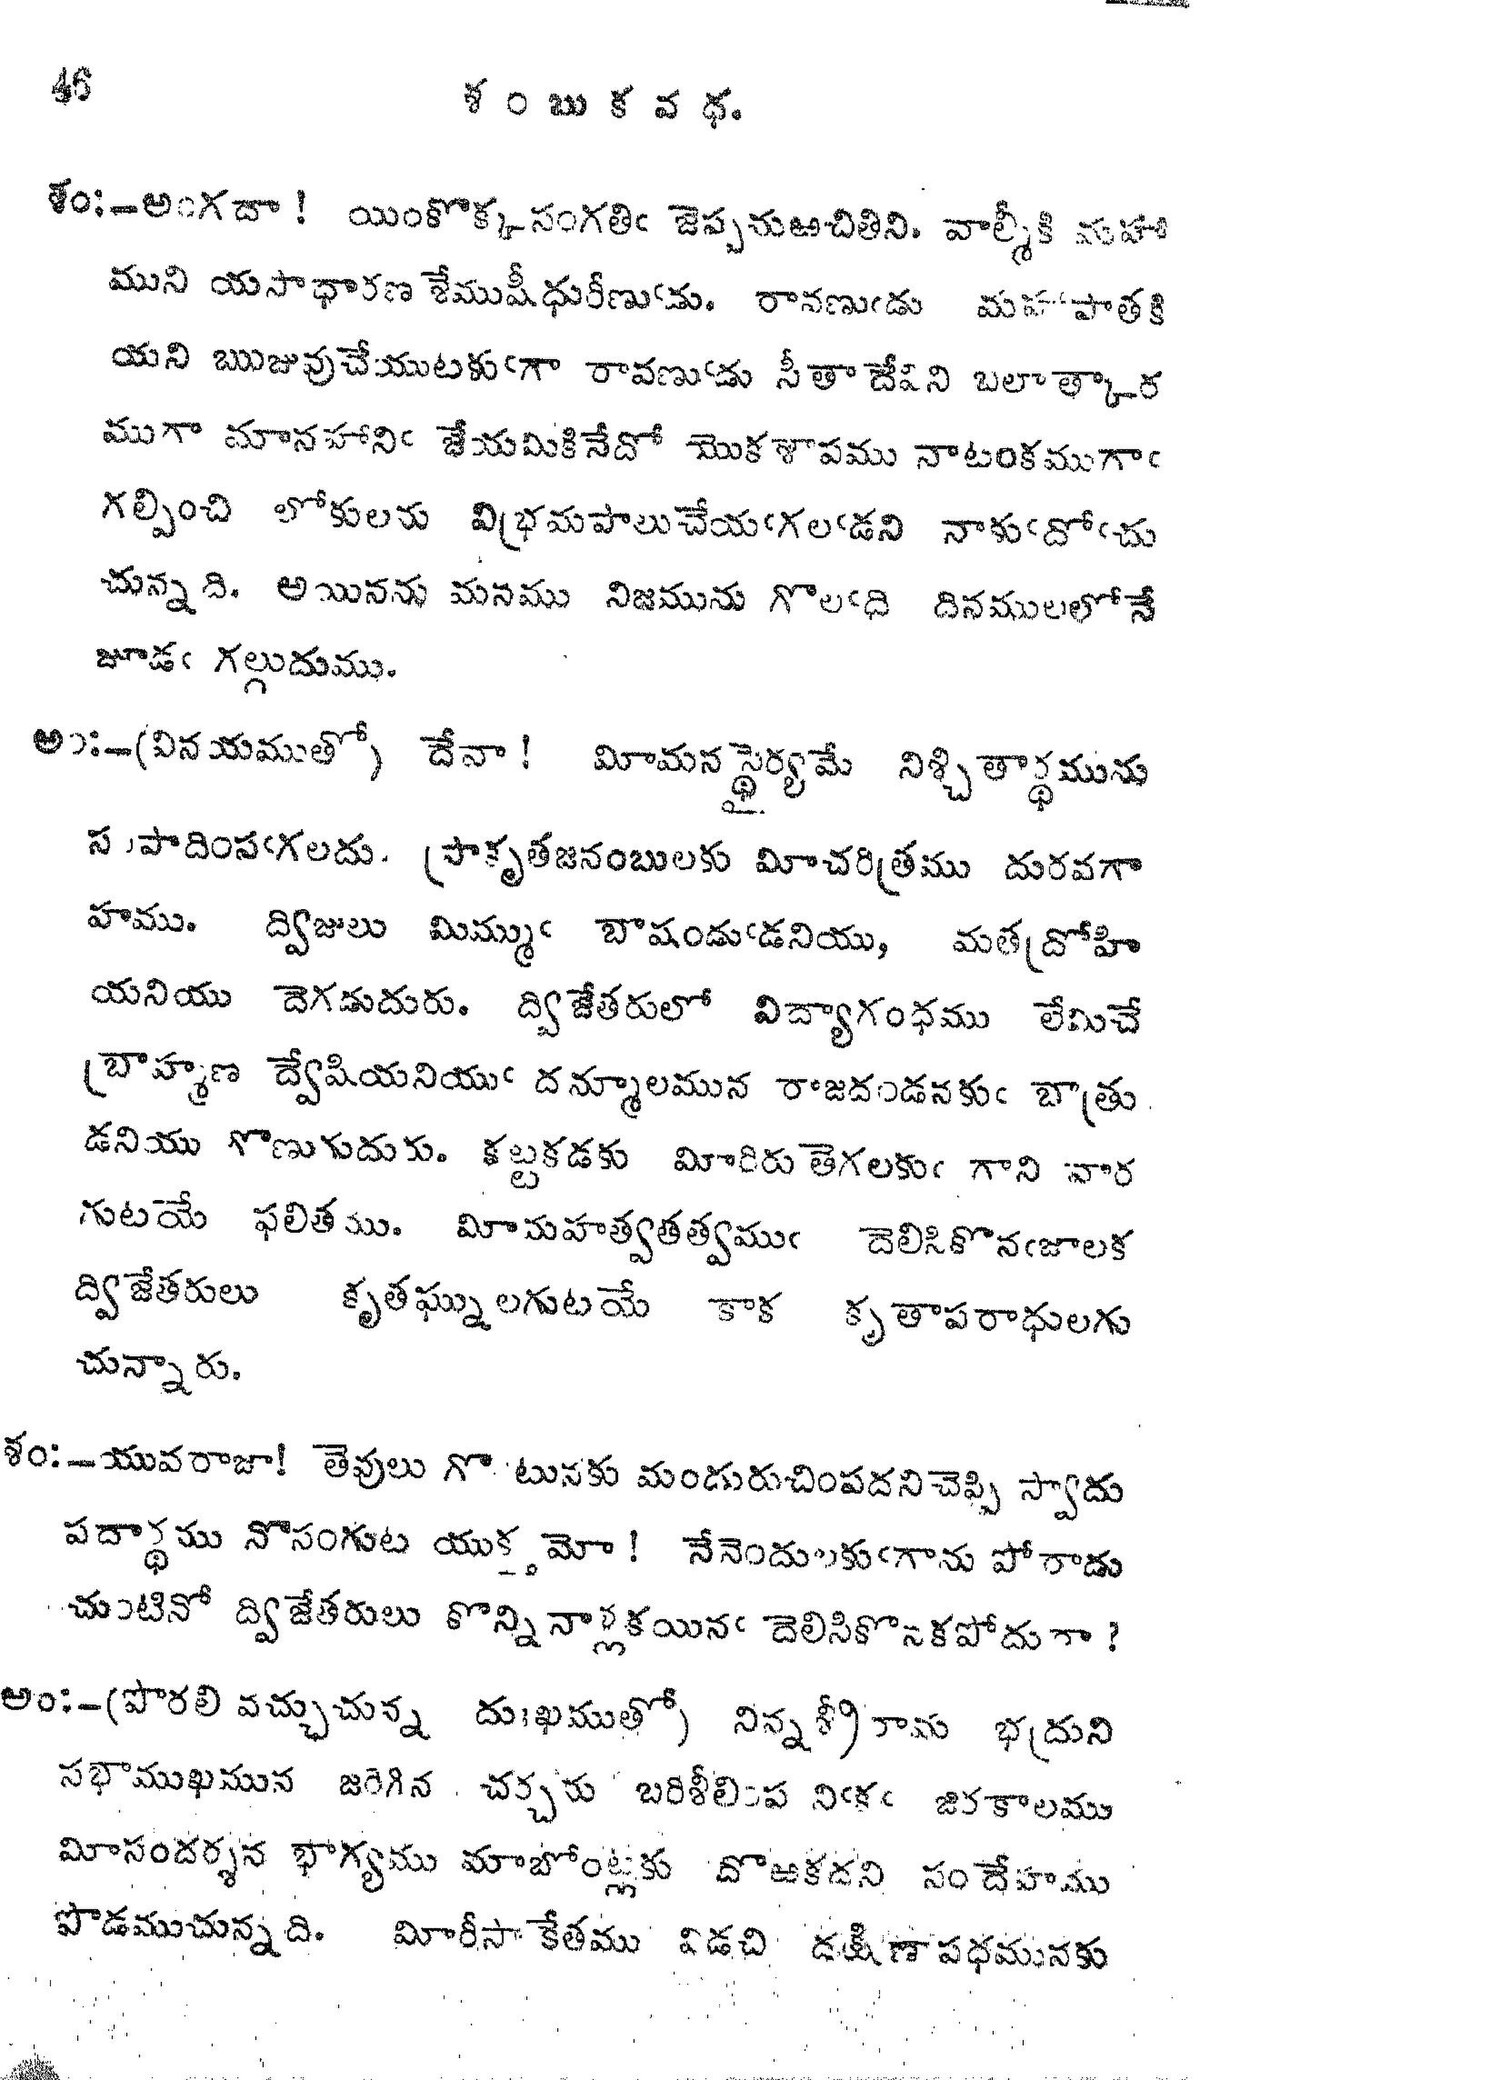శం:- : గదా ! యింకొక్క సంగతిఁ జెప్పమఱచితిని. వాల్మీకి మహా
 ముని యసాధారణ శేముషీధురీణుఁడు. రావణుడు మహా పాతకి 
 యని ఋజువు చేయుటకుఁగా రావణుడు సీతా దేవిని బలాత్కార
 ముగా మానహానిఁ జేయమికి నేదో యొక శాపము నాటంకముగాఁ
 గల్పించి లోకులను విభ్రమపాలు చేయఁగలడని నాకు దోఁచు
 చున్నది. అయినను మనము నిజమును గొలఁధి దినములలో నే
 జూడఁ గల్గుదుము.

అం:- (వినయముతో), దేవా ! మీ మనస్తైర్యమే నిశ్చితార్థమును
 సంపొదించ గలదు. ప్రొకృత జనంబులకు మాచరిత్రము దురవగా
 హము. ద్విజులు మిమ్ముఁ బాషండుడనియు, మతద్రోహి
 యనియు దెగడుదురు. ద్విజేతరులో విద్యాగంధము లేమిచే
 బ్రాహ్మణ ద్వేషియనియుఁ దన్మూలమున రాజదండనకుఁ బాత్రు
 డనియు గొణుగుదురు. కట్టకడకు మీరిరు తెగలకుఁ గాని వార
 గుటయే ఫలితము. సముహత్వతత్వముఁ దెలిసికొనఁజాలక
 ద్విజేతరులు కృతఘ్ను లగుటయే కాక కృతాపరాధులగు
 చున్నారు.

శం:-- యువరాజా! తెవులు గొంటునకు మందు రుచింపదని చెప్పి స్వాదు
 పదార్థము నొసంగుట యుక్త మో ! నేనెందులకుఁగాను పోరాడు
 చుంటినో ద్విజేతరులు కొన్ని నాళ్లకయినఁ దెలిసికొనక పోదురా !

అం:- (పొరలి వచ్చుచున్న దుఖముతో,) నిన్న శ్రీ రామ భద్రుని
 సభాముఖమున జరిగిన . చర్చకు బరిశీలింప నింక జిరకాలము
 మీసందర్శన భాగ్యము మాబోంట్లకు 'దొఱకదని సందేహము
 పొడము చున్నది. మిరీసాకేతము విడచి దక్షిణ పధమునకు